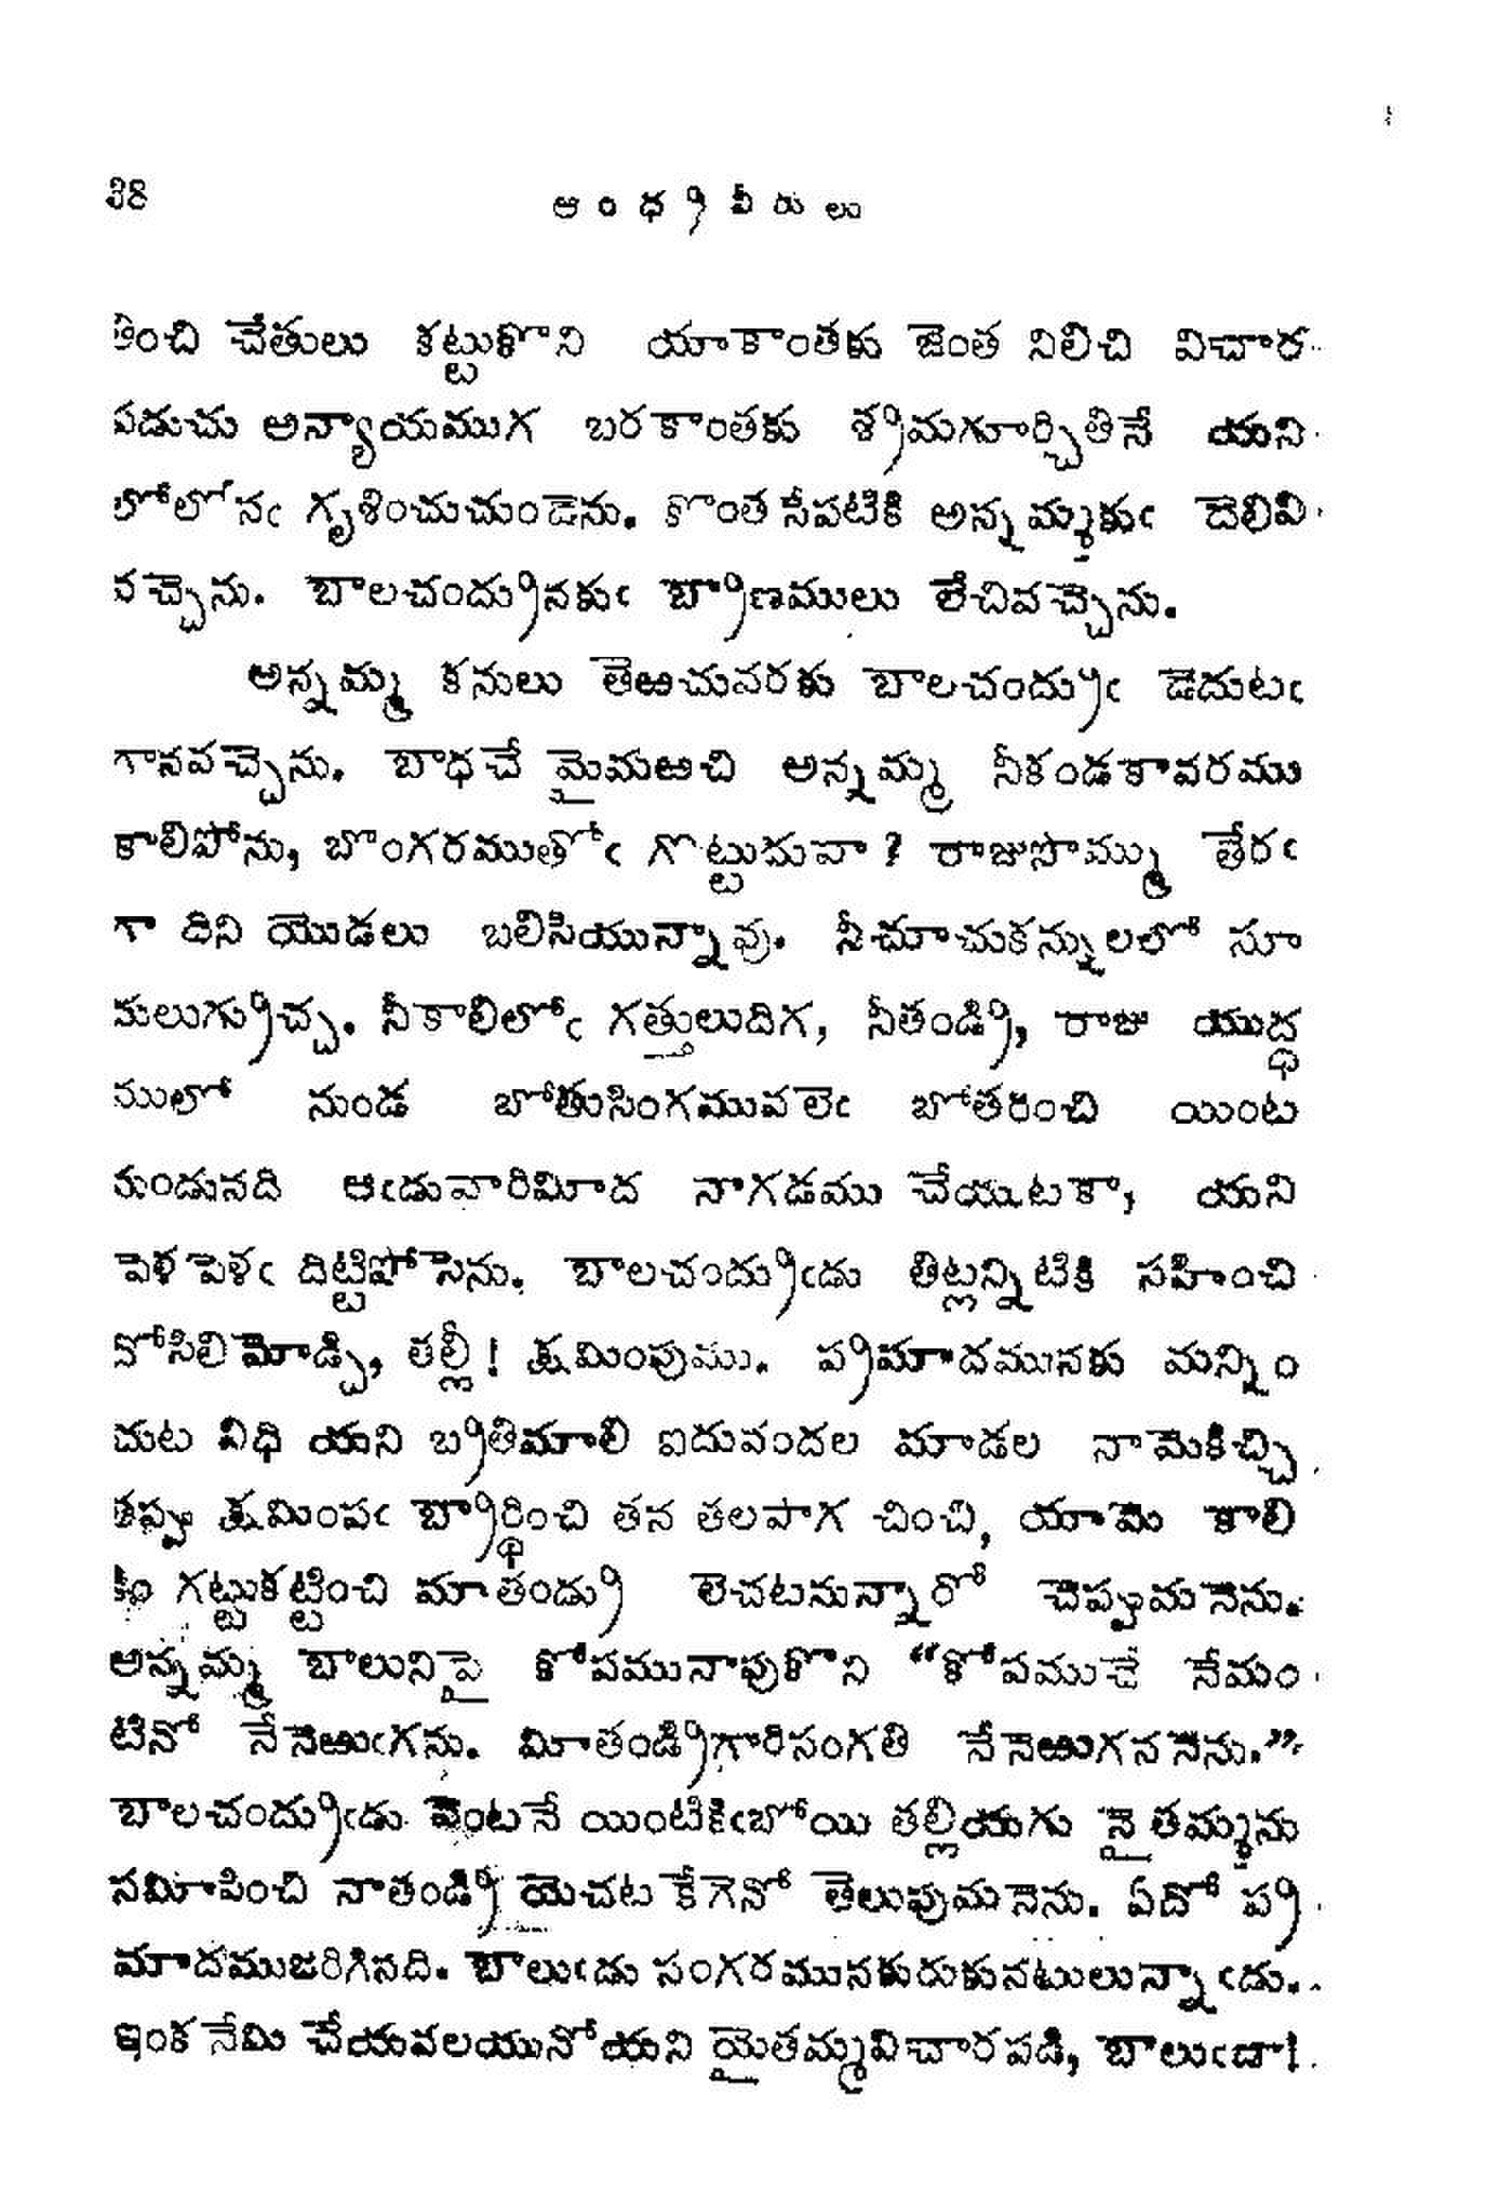తించి చేతులు కట్టుకొని యాకాంతకు జెంత నిలిచి విచారపడుచు అన్యాయముగ బరకాంతకు శ్రమగూర్చితినే యని లోలోన గృశించుచుండెను. కొంతసేపటికి అన్నమ్మకు దెలివి వచ్చెను. బాలచంద్రునకు బ్రాణములు లేచివచ్చెను.

అన్నమ్మ కనులు తెఱచువరకు బాలచంద్రు డెదుట గానవచ్చెను. బాధచే మైమఱచి అన్నమ్మ నీకండకావరము కాలిపోను, బొంగరముతో గొట్టుదువా? రాజుసొమ్ము తేరగా దిని యొడలు బలిసియున్నావు. నీచూచుకన్నులలో సూదులుగ్రుచ్చ, నీకాలిలో గత్తులుదిగ, నీతండ్రి, రాజు యుద్ధములో నుండ బోతుసింగమువలె బోతరించి యింట నుండునది ఆడువారిమీద నాగడము చేయుటకా, యని పెళపెళ దిట్టిపోసెను. బాలచంద్రుడు తిట్లన్నిటికి సహించి దోసలిమోడ్చి, తల్లీ! క్షమింపుము. ప్రమాదమునకు మన్నించుట విధి యని బ్రతిమాలి ఐదువందల మాడల నామెకిచ్చి తప్పు క్షమింప బ్రార్థించి తన తలపాగ చించి, యామె కాలికిం గట్టుకట్టించి మాతండ్రు లెచటనున్నారో చెప్పుమనెను. అన్నమ్మ బాలునిపై కోపమునాపుకొని "కోపముచే నేమంటినో నేనెఱుగను. మీతండ్రిగారి సంగతి నేనెఱుగననెను." బాలచంద్రుడు వెంటనే యింటికిబోయి తల్లియగు నైతమ్మను సమీపించి నాతండ్రి యెచట కేగెనో తెలుపుమనెను. ఏదో ప్రమాదముజరిగినది. బాలుడు సంగరమునకురుకు నటులున్నాడు. ఇంకనేమి చేయవలయునోయని యైతమ్మవిచారపడి, బాలుడా!